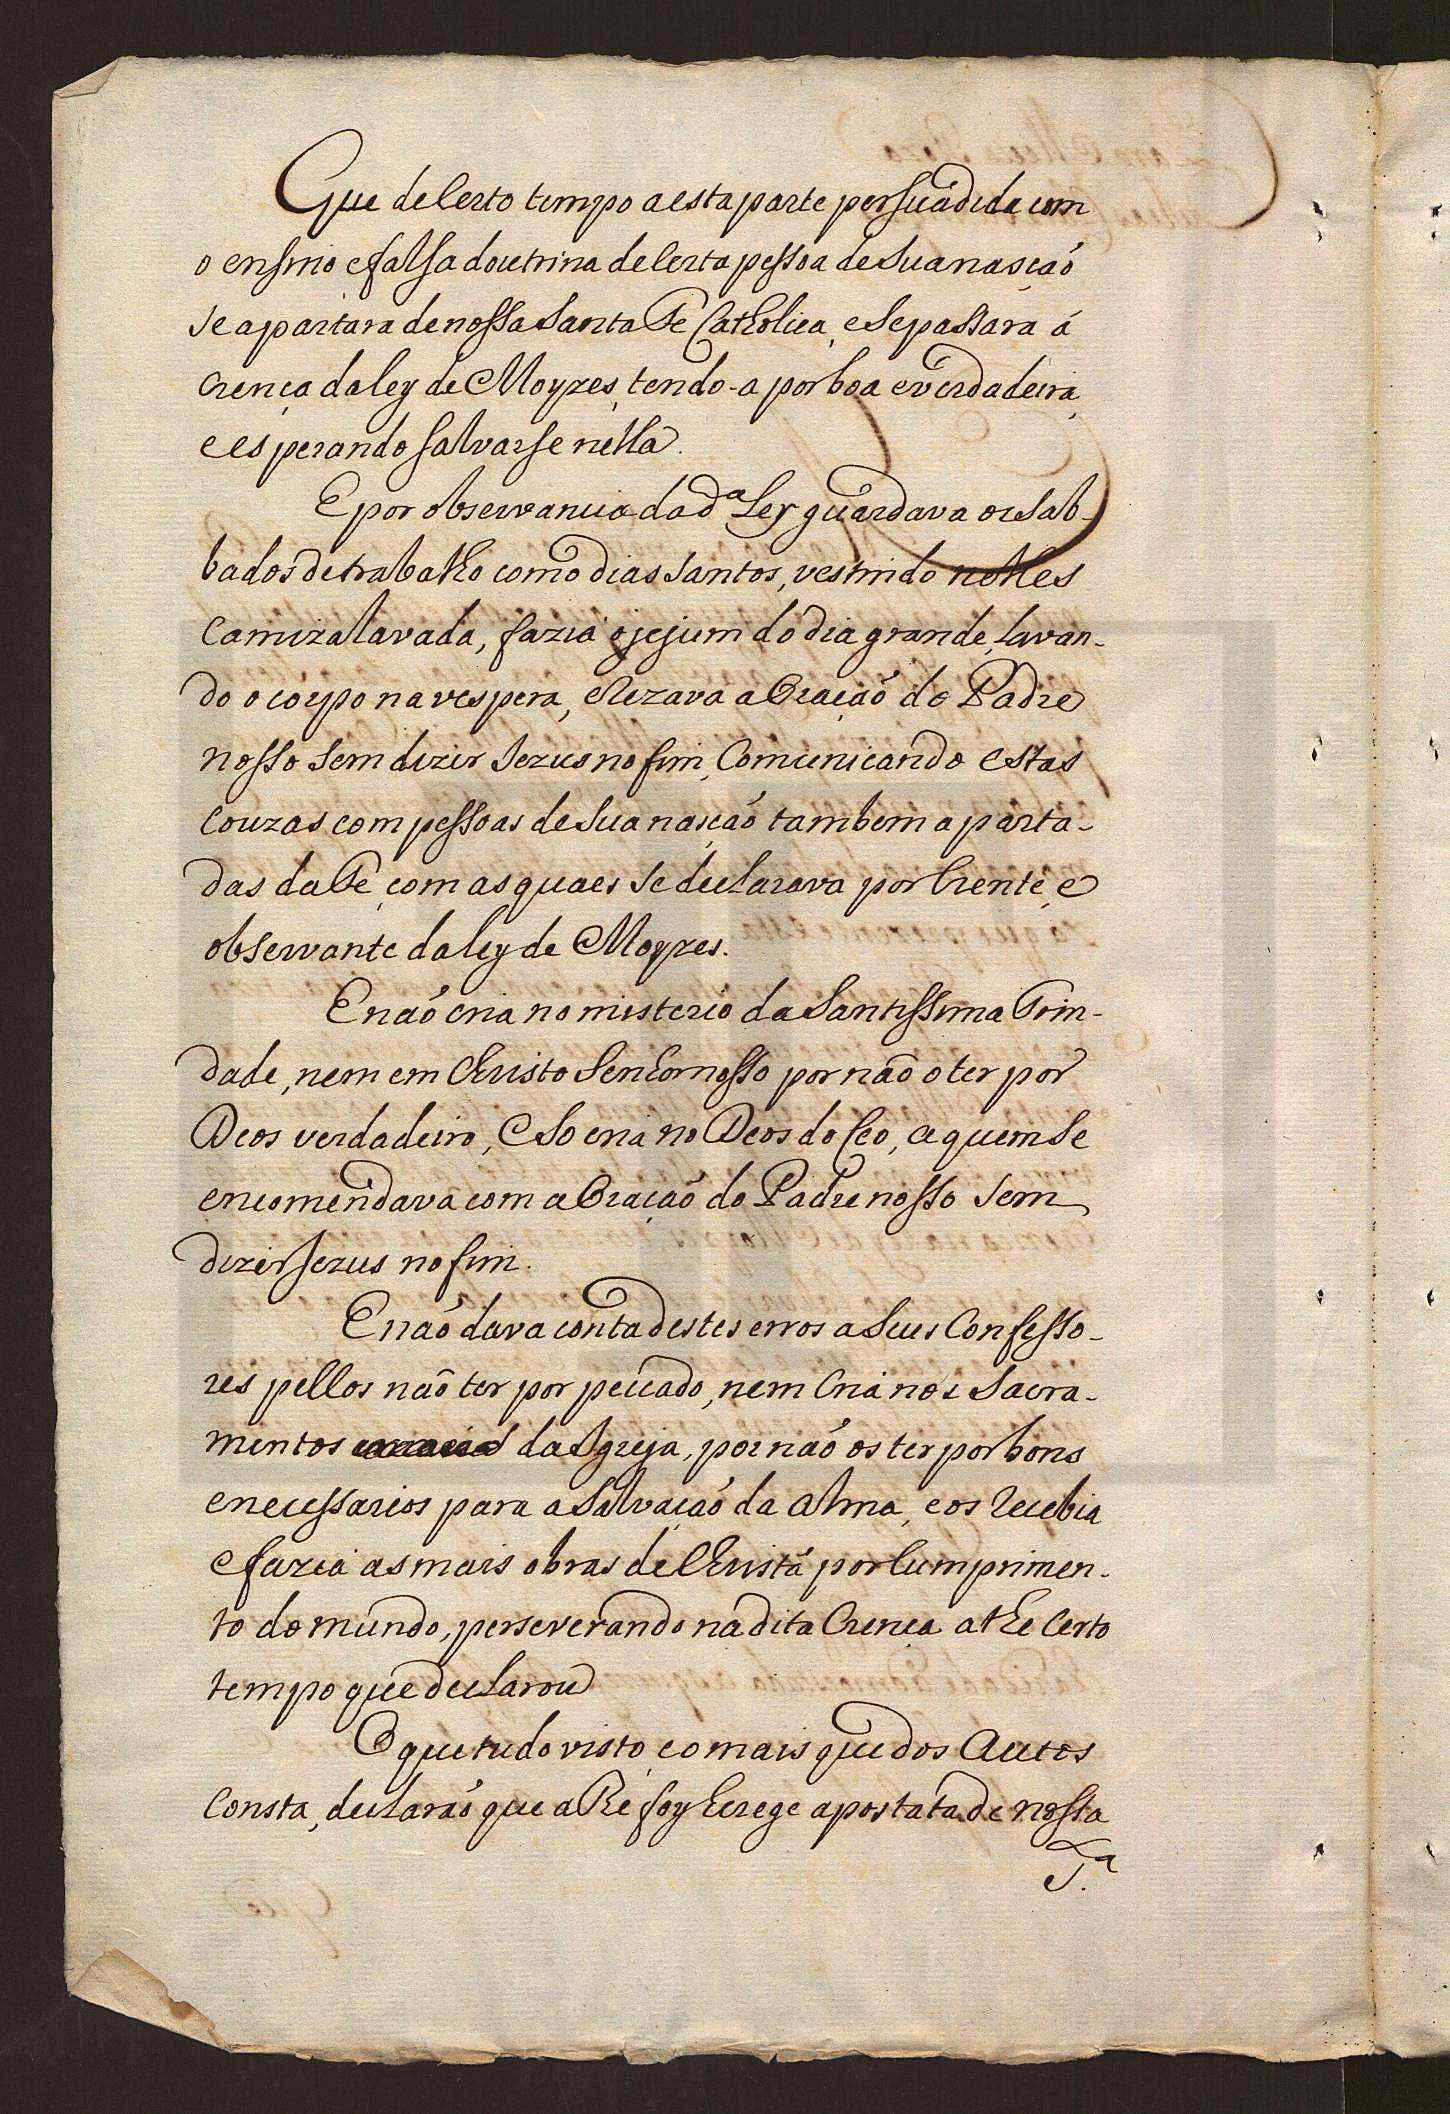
Que de Certo tempo a esta parte persuadida com
o ensino e falsa doutrina de certa pessoa de Sua nasçaõ
se apartara de nossa Santa Fe Catholica, e Se passara á
crença da ley de Moyzes, tendo-a por boa e verdadeira,
e esperando salvarse nella.
E por observancia da da Ley guardava os Sab
bados de trabalho como dias santos, vestindo nelles
camiza lavada, fazia o jejum do dia grande, Lavan
do o corpo na vespera, e Rezava a Oraçaõ do Padre
nosso sem dizer Iezus no fim, Comunicando estas
couzas com pessoas de Sua nascaõ tambem aparta
das da Fe, com as quaes se declarava por Crente, e
observante da ley de Moyzes.
E naõ cria no misterio da Santissima Trin
dade, nem em Christo Senhor nosso por não o ter por
Deos verdadeiro, e So cria no Deos do Ceo, a quem Se
encomendava com a Oraçaõ do Padre nosso Sem
dizer Jezus no fim.
E naõ dava conta destes erros a seus Confesso
res pellos naõ ter por peccado, nem Cria nos Sacra
mentos
da Igreja, por naõ os ter por bons
e necessarios para a Salvaçaõ da alma, e os Recebia
e fazia as mais obras de Christã por cumprimen
to do mundo, perseverando na dita Crença athe certo
tempo que declarou
O que tudo visto, e o mais que dos autos
consta declaraõ que a Re foy herege apostata de nossa
S.ta
